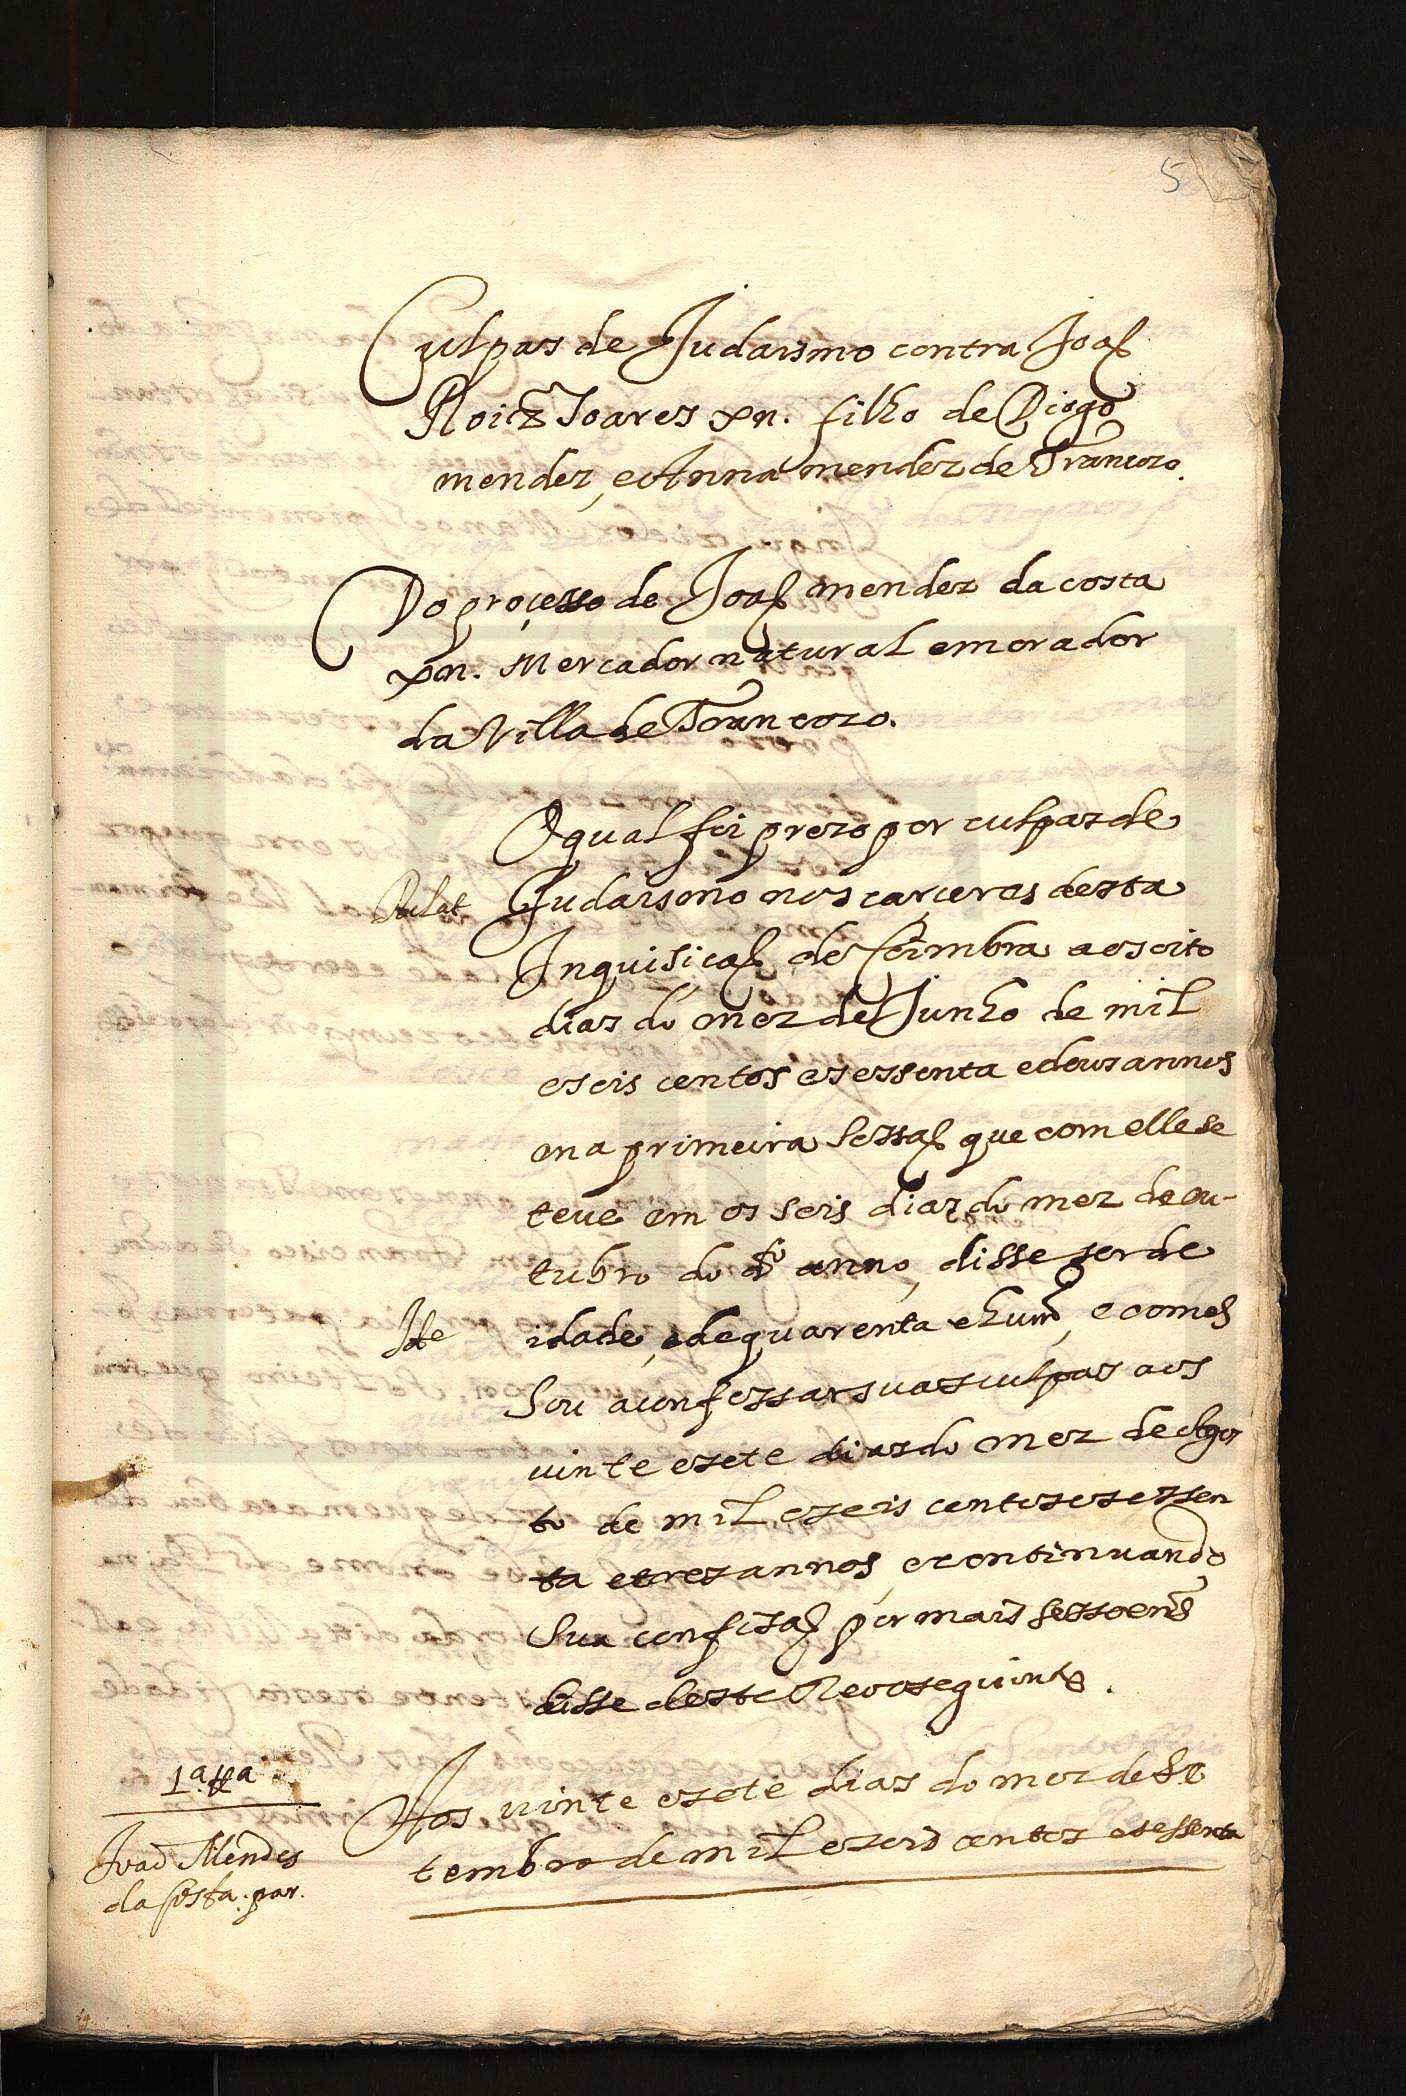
Culpas de Judaismo contra Joaõ
Roiz̄ Soares xn. filho de Diogo
mendez, e Anna mendez de Trancozo.
Do proçesso de João mendez da costa
xn. Mercador naturaL e morador
da villa de Trancozo.
O quaL foi prezo por culpas de
Relat Judaismo nos carçeres desta
Inquisiçaõ de Coimbra aos oito
dias do mez de Junho de miL
e seiscentos e sessenta e dous annos
e na primeira sessaõ que com elle se
teue em os seis dias do mez de ou
tubro do d̄o anno, disse ser de
idade, _ de quarenta e hum̄, e comes
sou a confessar suas culpas aos
uinte e sete dias do mez de Agos
to de miL e seiscentos e sessen
ta e tres annos, e continuando
sua confisaõ per mais sessoen̄s
disse deste Reo o seguinte.
Aos uinte e sete dias do mez de se
tembro de miL e seiscentos e sessenta
